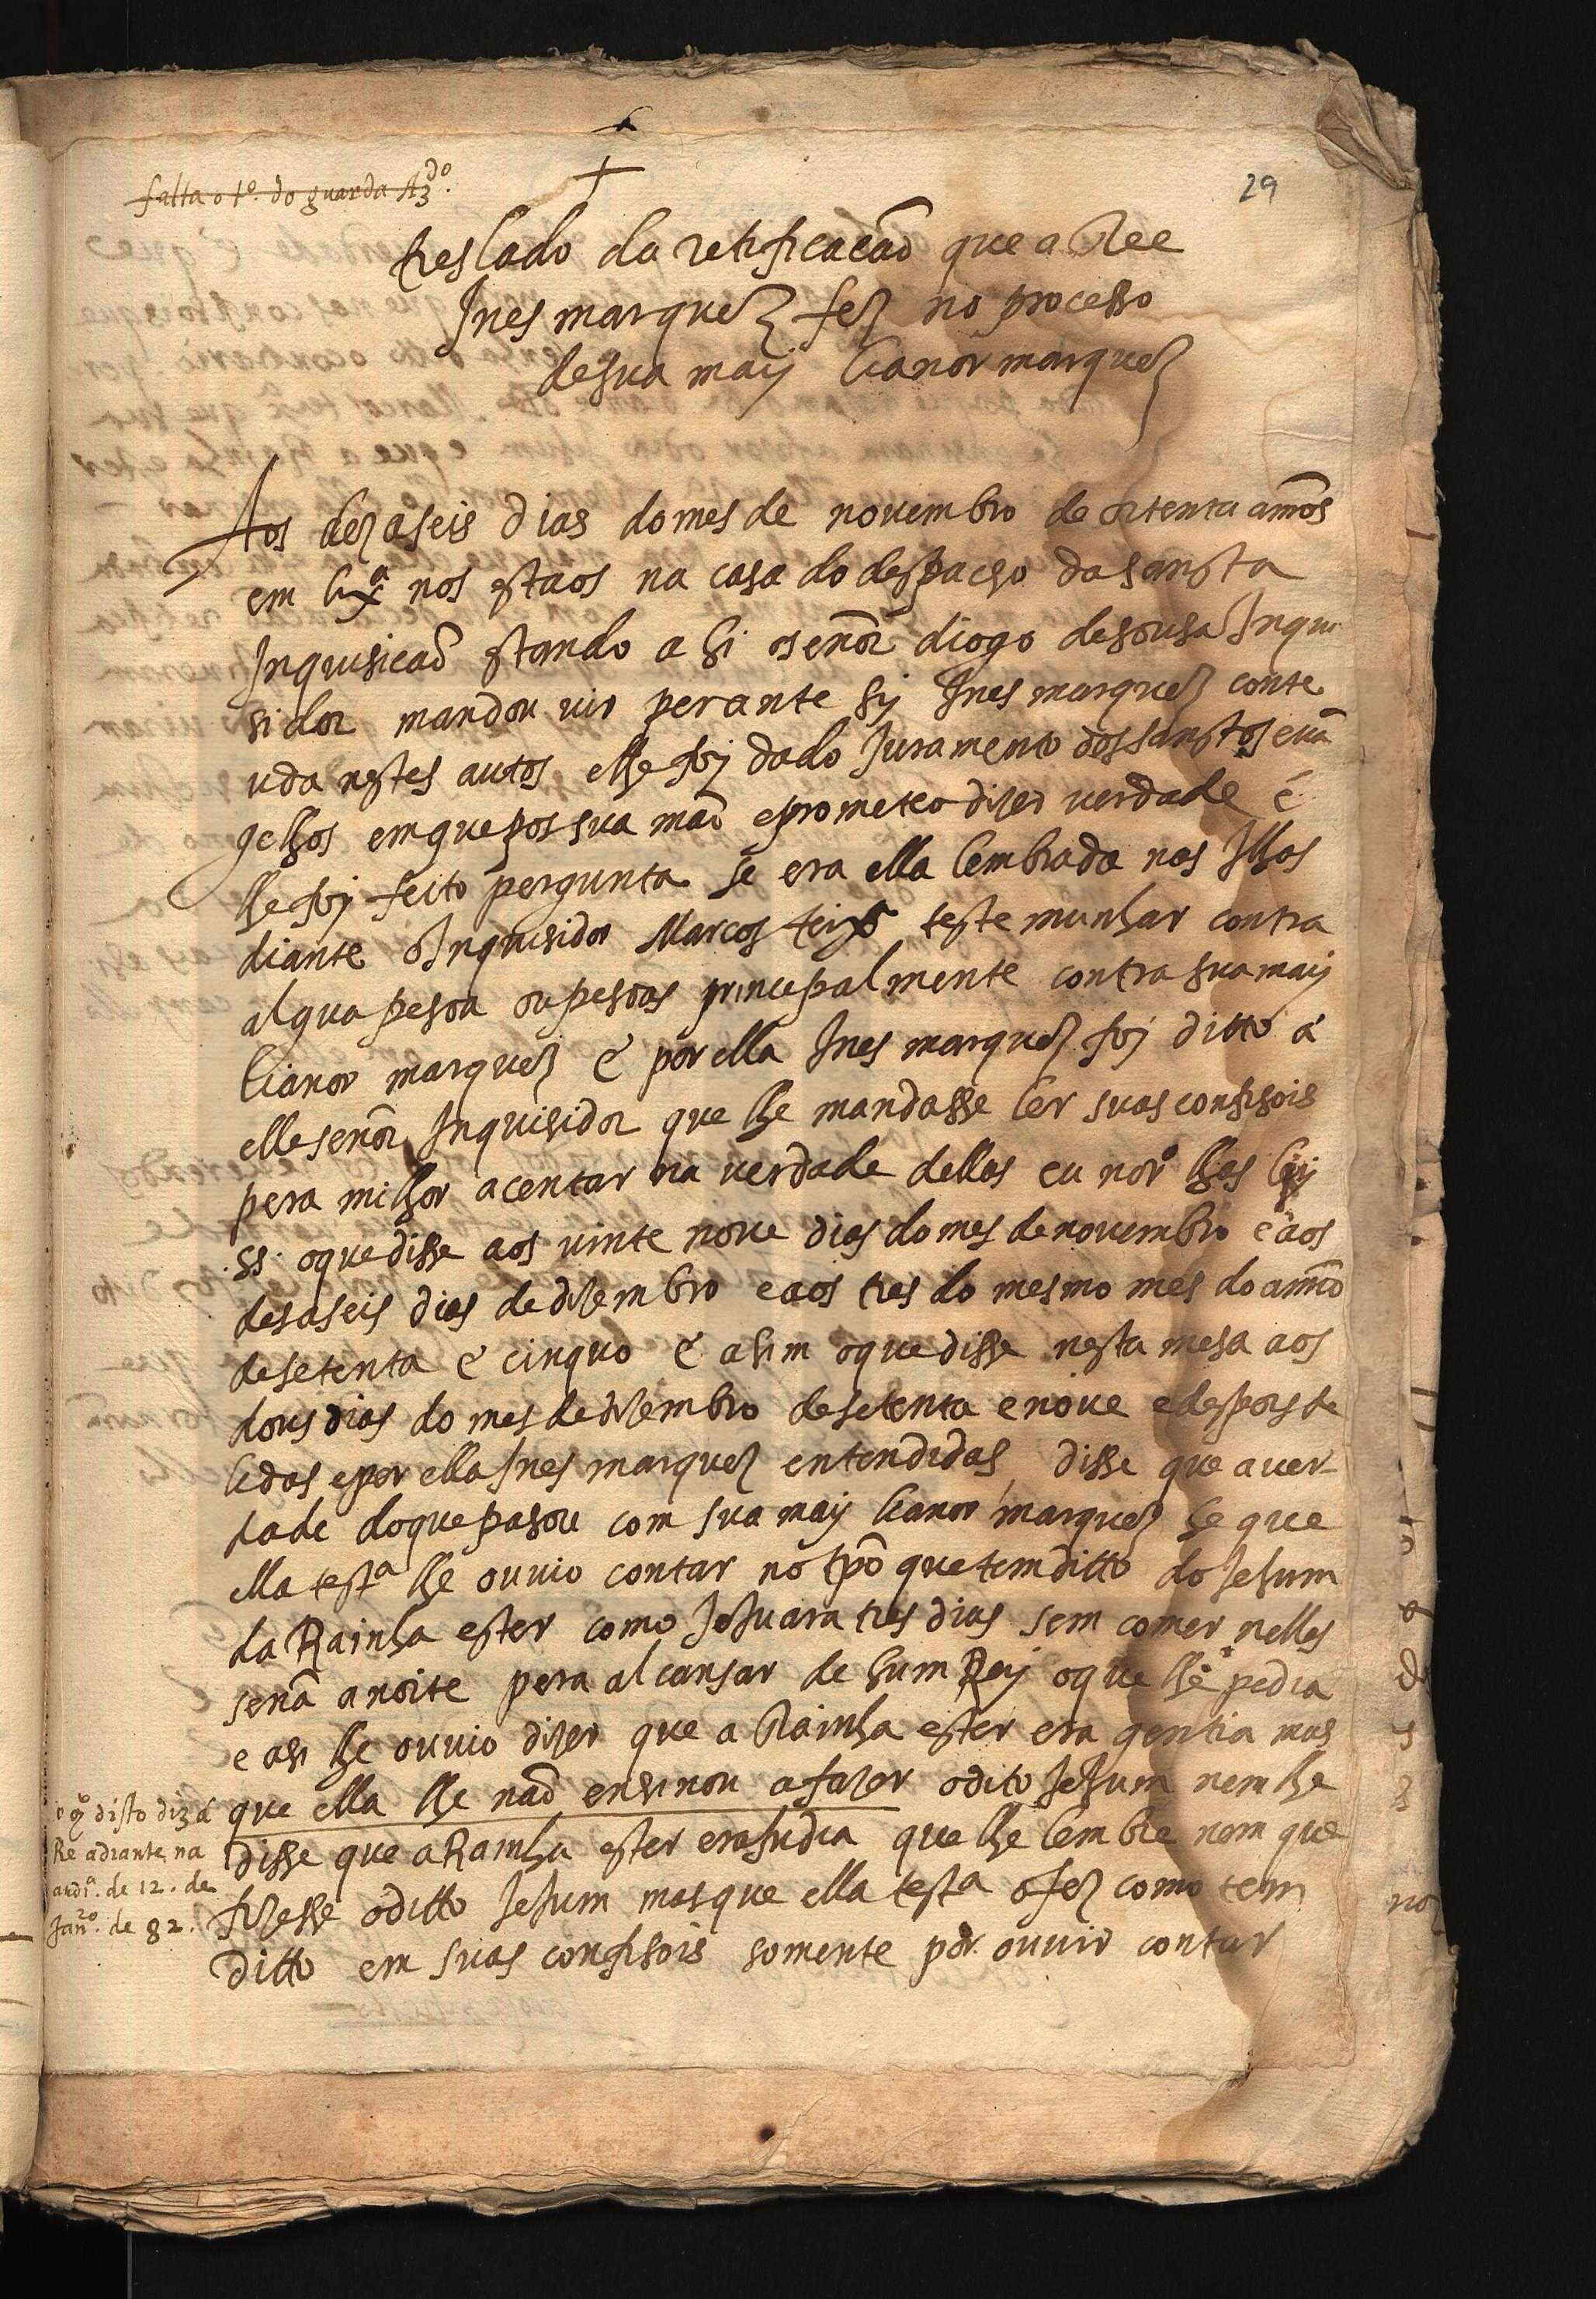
falta o to. do guarda Azdo.
treslado da retificação que a Ree
Jnes marqueZ fez no processo
de sua may lianor marquez
Aos dezaseis dias do mes de nouembro de oitenta an̄nos
em lixa nos estaos na casa do despacho da sancta
Jnquisição estando ahi o sen̄or diogo de sousa Inqui
sidor mandou uir perante sy Ines marquez conte
uda nestes autos e lhe foy dado Juramento dos sanctos euā
gelhos em que pos sua mão e prometeo dizer uerdade e
lhe foy feito pergunta se era ella lembrada nas Ilhas
diante o Inquisidor Marcos teixa. testemunhar contra
algua pesoa ou pesoas principalmente contra sua may
lianor marquez e por ella Ines marquez foj ditto a
elle senōr Inquisidor que lhe mandasse ler suas confisois
pera milhor acentar na uerdade dellas eu noto lhas l_y
.ss. o que disse aos uinte noue dias do mes de nouembro e aos
desaseis dias de dizembro e aos tres do mesmo mes do an̄no
de setenta e cinquo e asim o que disse nesta mesa aos
dous dias do mes de dizembro de setenta e noue e despois de
lidas e por ella Ines marquez entendidas, disse que a uer
dade do que pasou com sua may lianor marquez he que
ella testa lhe ouuio contar no tp̄o que tem ditto do JeJum
da Rainha ester como JeJuara tres dias sem comer nelles
senā a noite pera alcansar de hum Rey o que lhe pedia
e asi lhe ouuio dizer que a Rainha ester era gentia mas
que ella lhe não ensinou a fazer o dito JeJum nem lhe
disse que a Rainha ester era Judia que lhe lembre nem que
fizesse o ditto JeJum mas que ella testa o fez como tem
ditto em suas confisois somente por ouuir contar
o q̄ disto diz á
Re adiante na
audia. de 12. de
Janro. de 82.
